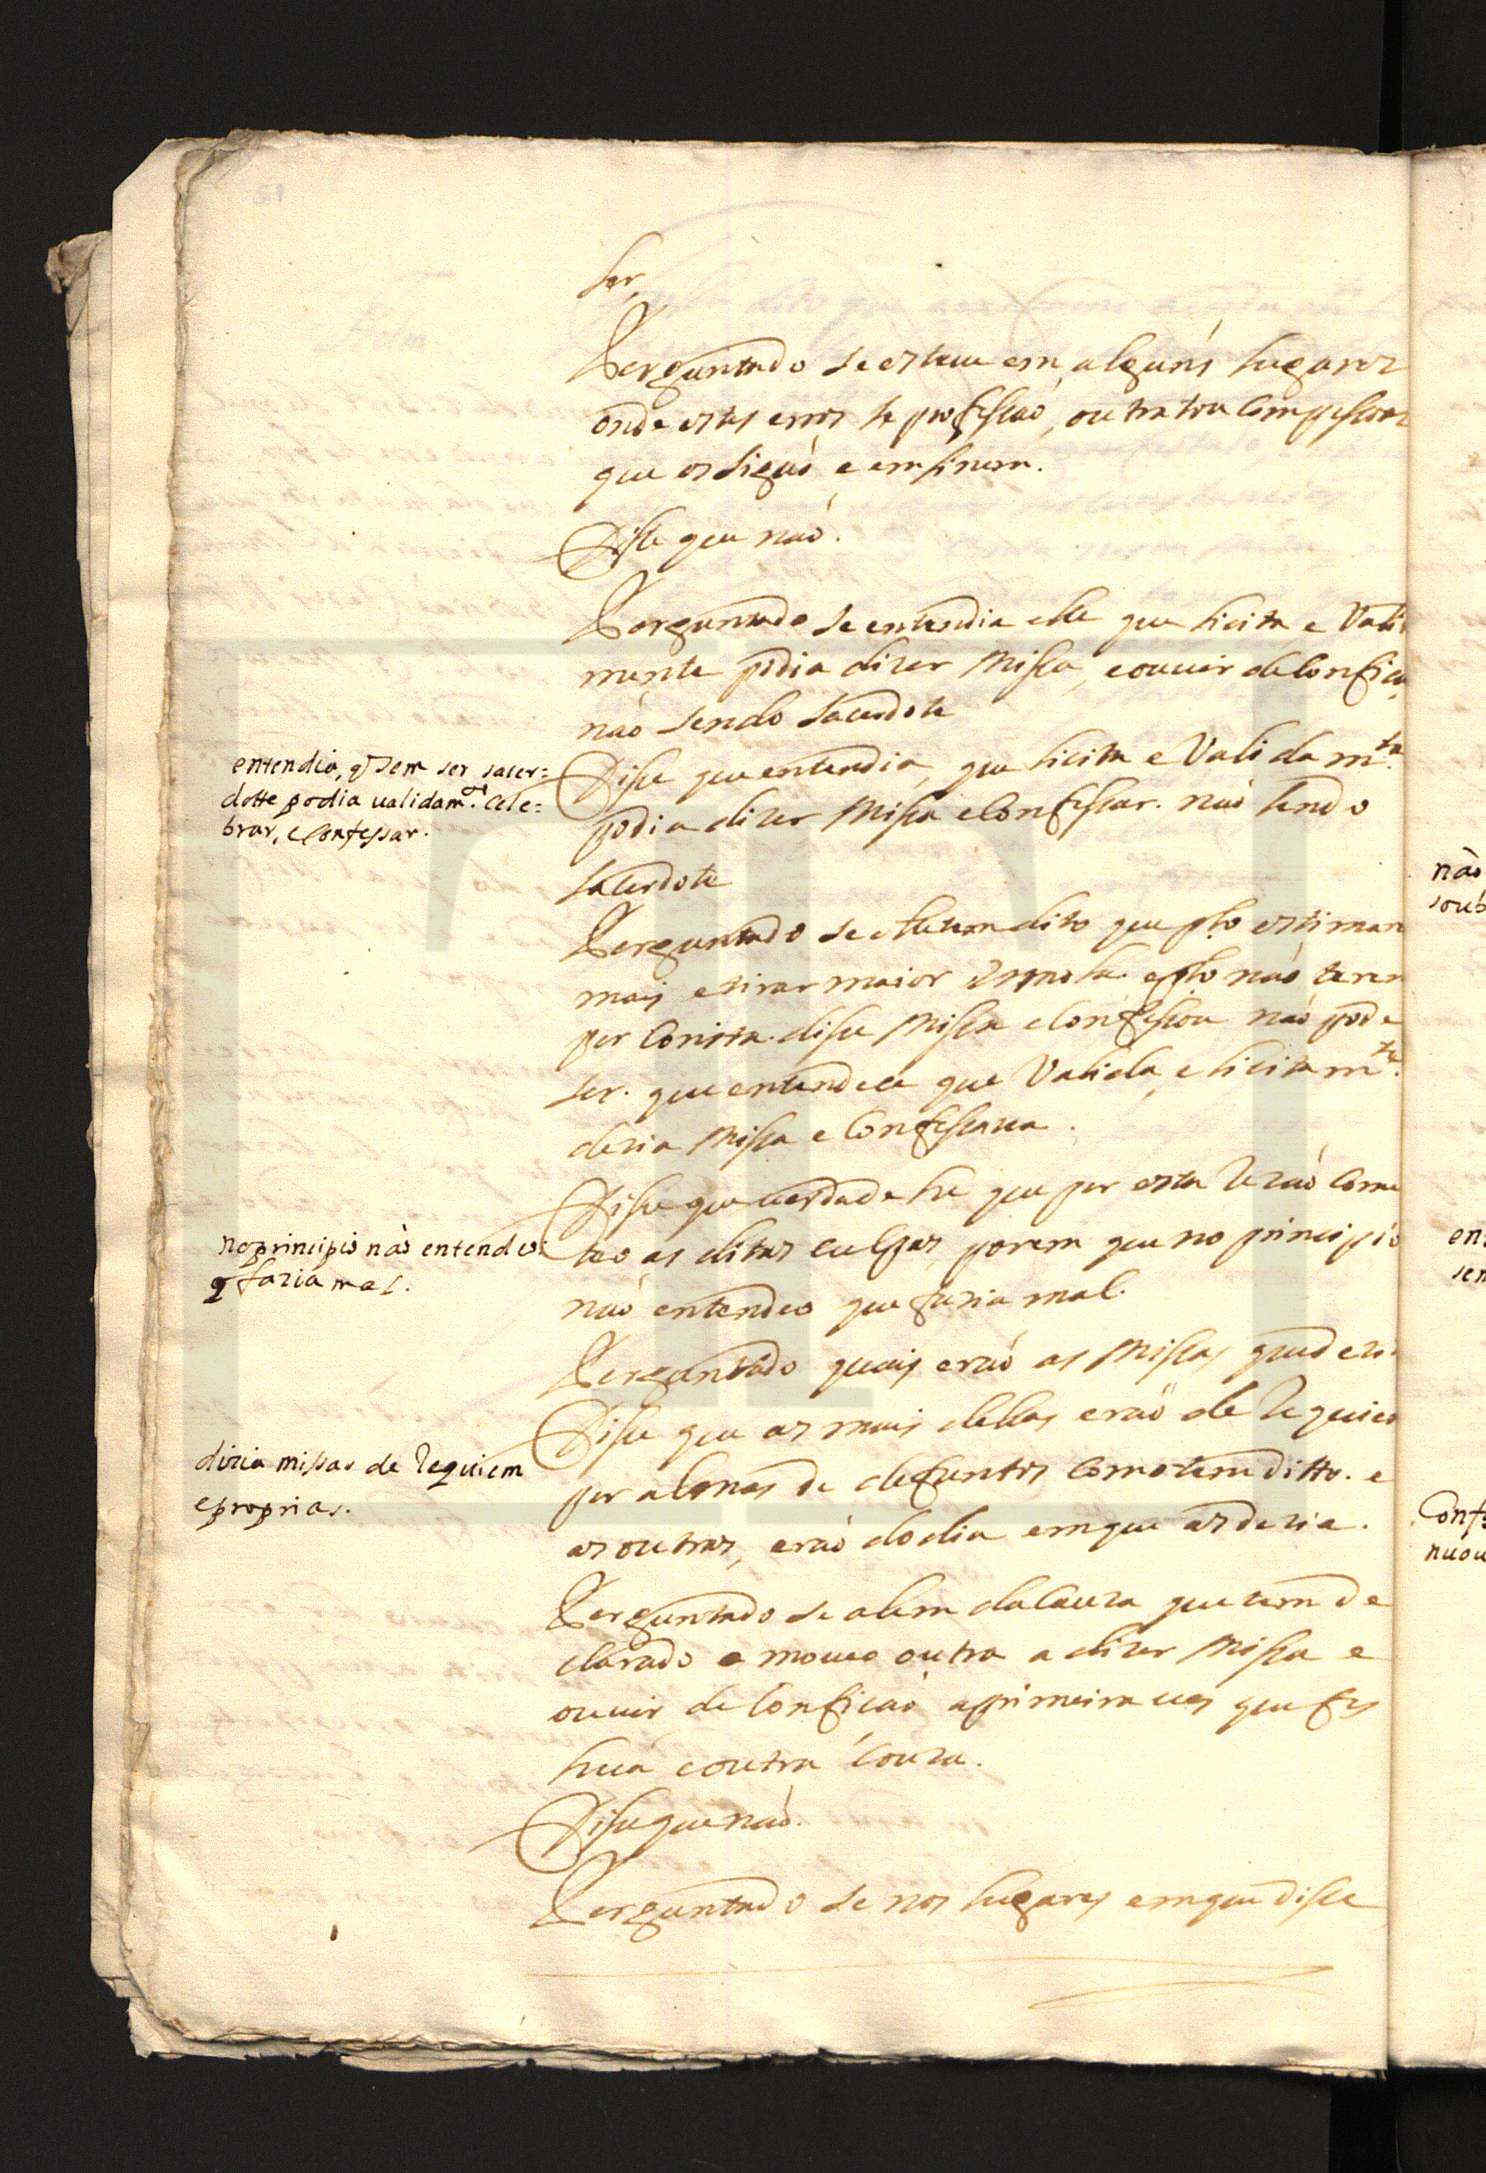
entendia, q̄ sem ser sacer
dotte podia ualidamte. cele
brar, e confessar.
no principio naõ entendeo
q̄ fazia mal.
dizia missas de Requiem
e proprias.
Sor,
Perguntado se esteue em alguns̄ lugares
onde estes erros se prosessaõ, ou tratou com pessoas
que os digaõ e emsinem.
Disse que naõ.
Perguntado se entendia elle que licita, e vali_
mente podia dizer missa, e ouuir de confiç_
naõ sendo sacerdote
Disse que entendia, que licita e validamte.
podia dizer missa e confessar naõ sendo
sacerdote
Perguntado se elle tem dito que p.lo estimare_
mais e tirar maior Esmola e plo naõ terem
por Corista. disse missa e Confessou naõ pode
ser que entendeçe que valida, e licitamte.
dezia missa e Confessaua.
Disse que uerdade he que per esta Rezaõ come
teo as ditas culpas, porem que no principio
naõ entendeo que fazia mal.
Perguntado quais eraõ as missas que dezi_
Disse que as mais dellas eraõ de Requie_
per almas de defuntos como tem ditto. e
as outras, eraõ do dia em que as dezia.
Perguntado se alem da cauza que tem de
clarado o moueo outra a dizer missa e
ouuir de Confiçaõ a primeira uez que fez
huā e outra couza.
Disse que naõ.
Perguntado se nos lugares em que disse
